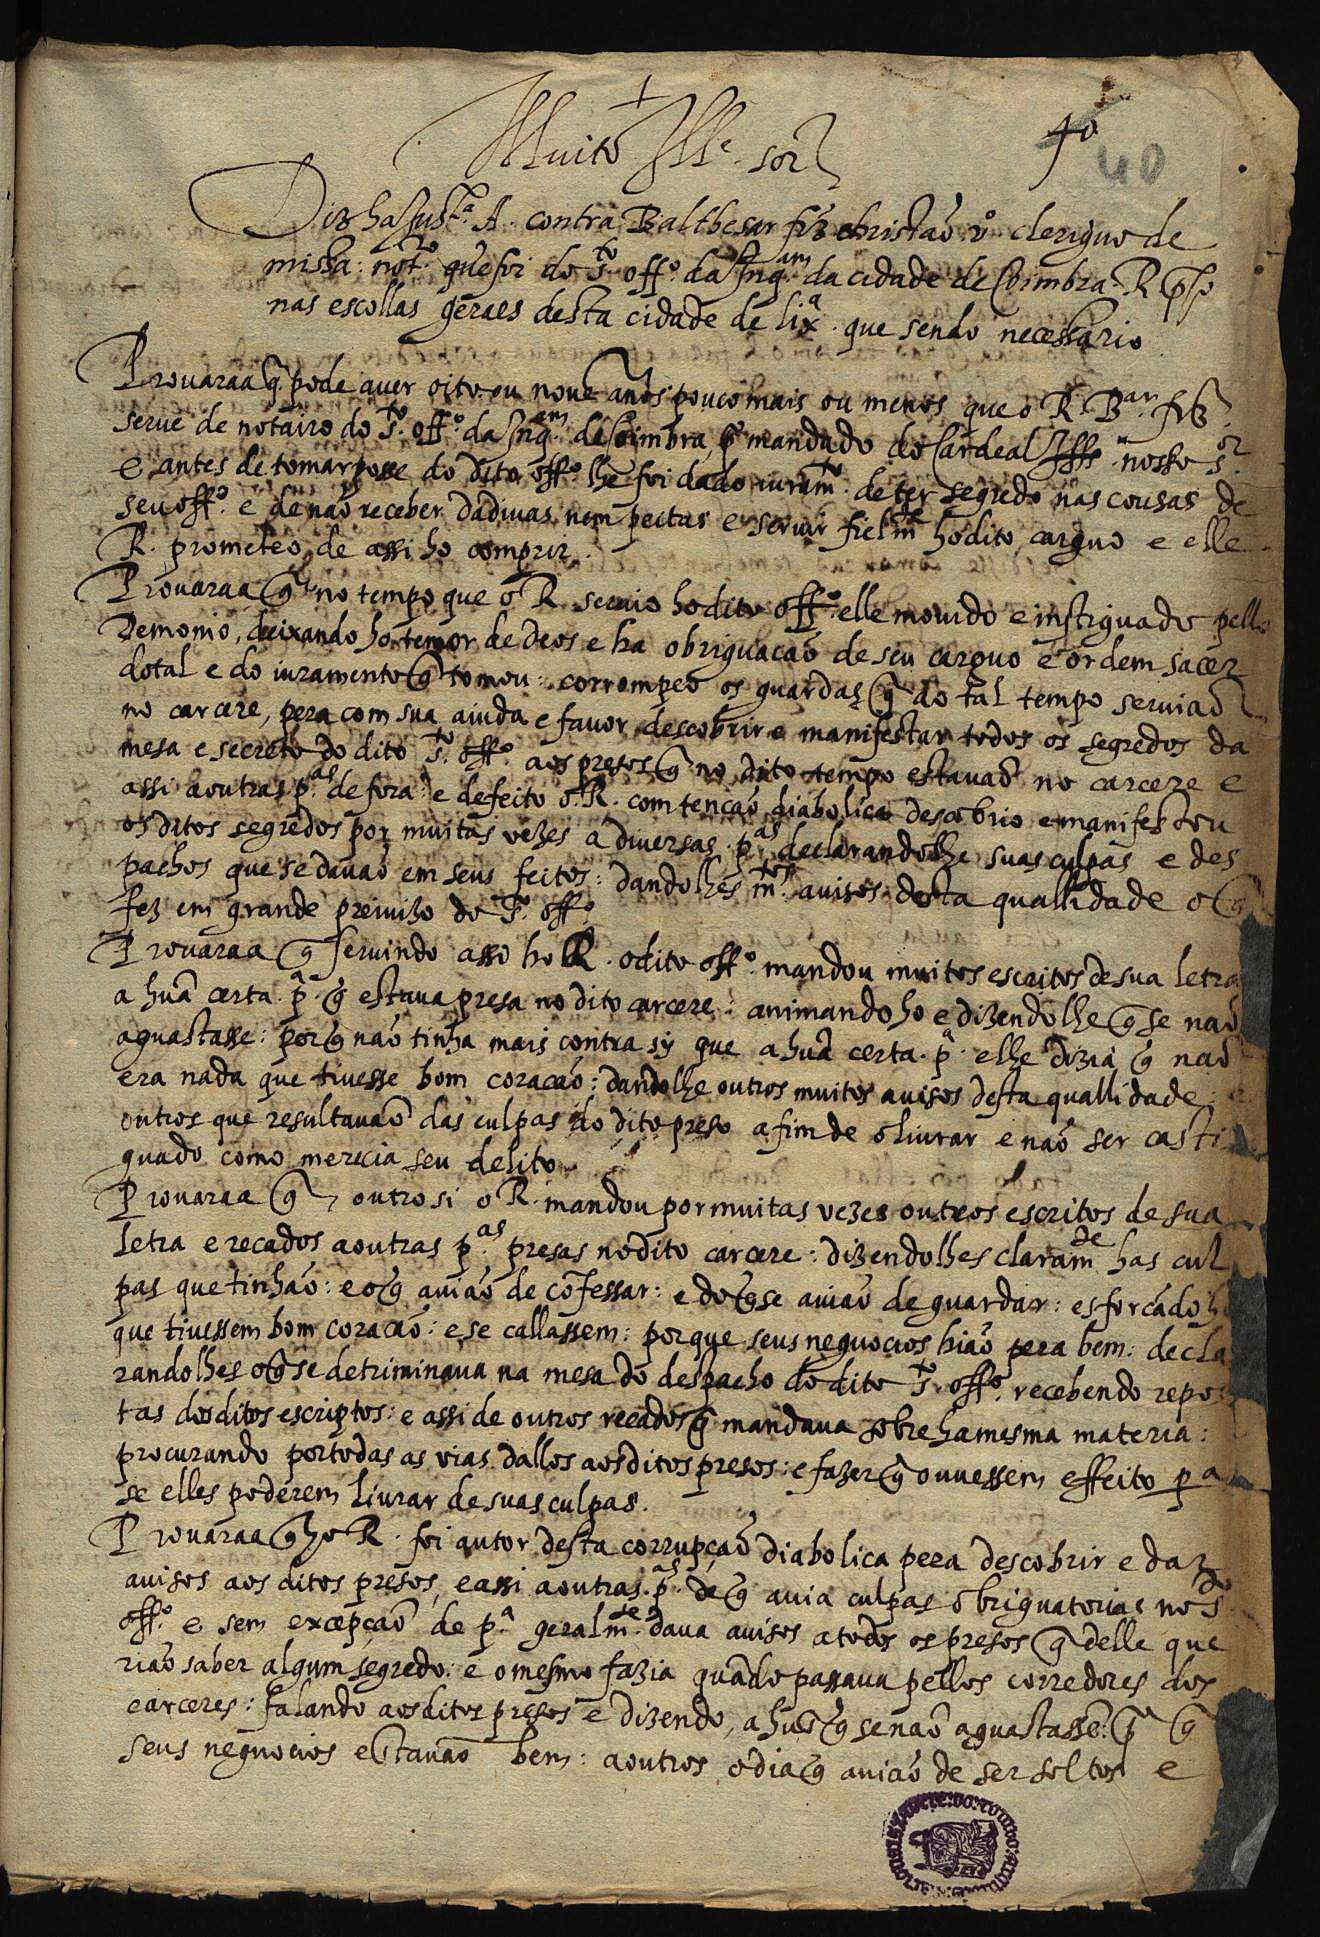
Muito Jlle. sor̄
Diz ha Just.a A. contra Balthesar frz̄ christaõ vo. cleriguo de
missa not.ro que foi do s.to offo. da Jnq.am da cidade de Coimbra. R p̄so
nas escollas geraes desta cidade de lixa. que sendo necessario
Prouara q̄ pode auer oito ou noue an̄os pouco mais ou menos que o R. Bar. frz̄.
serue de notairo do s.to off.o da Jnq.am de Coimbra, p̄o mandado do Cardeal Jffꝭ nosso sor.
e antes de tomar posse do dito offo lhe foi dado iuram.to de ter segredo nas cousas de
seu off.o e de naõ receber dadiuas nem peitas e seruir fielmte ho dito carguo e elle
R. prometeo de assi ho comprir.
Prouaraa q̄ no tempo que o R seruio ho dito offo. elle mouido e instiguado pello
Demonio, deixando ho temor de deos e ha obriguaçaõ de seu carguo e ordem sacer
dotal e do iuramento q̄ tomou: corrompeo os guardas q̄ ao tal tempo seruiaõ
no carcere, pera com sua aiuda e fauor descobrir e manifestar todos os segredos da
mesa e secreto do dito s.to offo. aos presos q̄ no dito tempo estauaõ no carcere e
assi a outras p.as de fora e de feito o .R. com tençaõ diabolica descobrio e manifestou
os ditos segredos por muitas vezes a diuersas pas declarandolhe suas culpas e des
pachos que se dauaõ em seus feitos: dandolhes m.tos auisos desta quallidade o q̄
fez em grande preiuizo do s.to offo.
Prouaraa q̄ seuuindo assi ho R. o dito offo. mandou muitos escritos de sua letra
a huā certa pa. q̄ estaua presa no dito carcere: animando ho e dizendolhe q̄ se naõ
aguastasse: porq̄ não tinha mais contra sy que a huā certa. pa. e lhe dizia q̄ naõ
era nada que tiuesse bom coraçaõ: dandolhe outros muitos auisos desta quallidade
outros que resultauaõ das culpas do dito preso a fim de o liurar e naõ ser casti
guado como merecia seu delito.
Prouaraa q̄ outrosi o R. mandou por muitas vezes outros escritos de sua
Letra e recados a outras p.as presas no dito carcere: dizendolhes claramte has cul
pas que tinhaõ: e o q̄ auiaõ de cōfessar: e do q̄ se auiaõ de guardar: esforçādo ha
que tiuessem bom coraçaõ: e se callassem: porque seus neguocios hiaõ pera bem: decla
randolhes o q̄ se detriminaua na mesa do despacho do dito sto. offo. recebendo repos
tas dos ditos escriptos: e assi de outros recados q̄ mandaua sobre ha mesma materia:
procurando por todas as vias dallos aos ditos presos: e fazer q̄ ouuessem effeito ꝑa
se elles poderem Liurar de suas culpas.
Prouaraa q̄ ho .R. foi autor desta corrupçaõ diabolica pera descobrir e dar
auisos aos ditos presos, e assi a outras. pas. de q̄ auia culpas obriguatorias no sto
off.o e sem excepçaõ de p.a geralmte. daua auisos a todos os presos q̄ delle que
riaõ saber algum segredo: e o mesmo fazia quādo passaua pellos corredores dos
carceres: falando aos ditos presos e dizendo, a hus̄ q̄ se naõ aguastassē: p̄oq̄
seus neguocios estauão bem: a outros o dia q̄ auiaõ de ser soltos e
